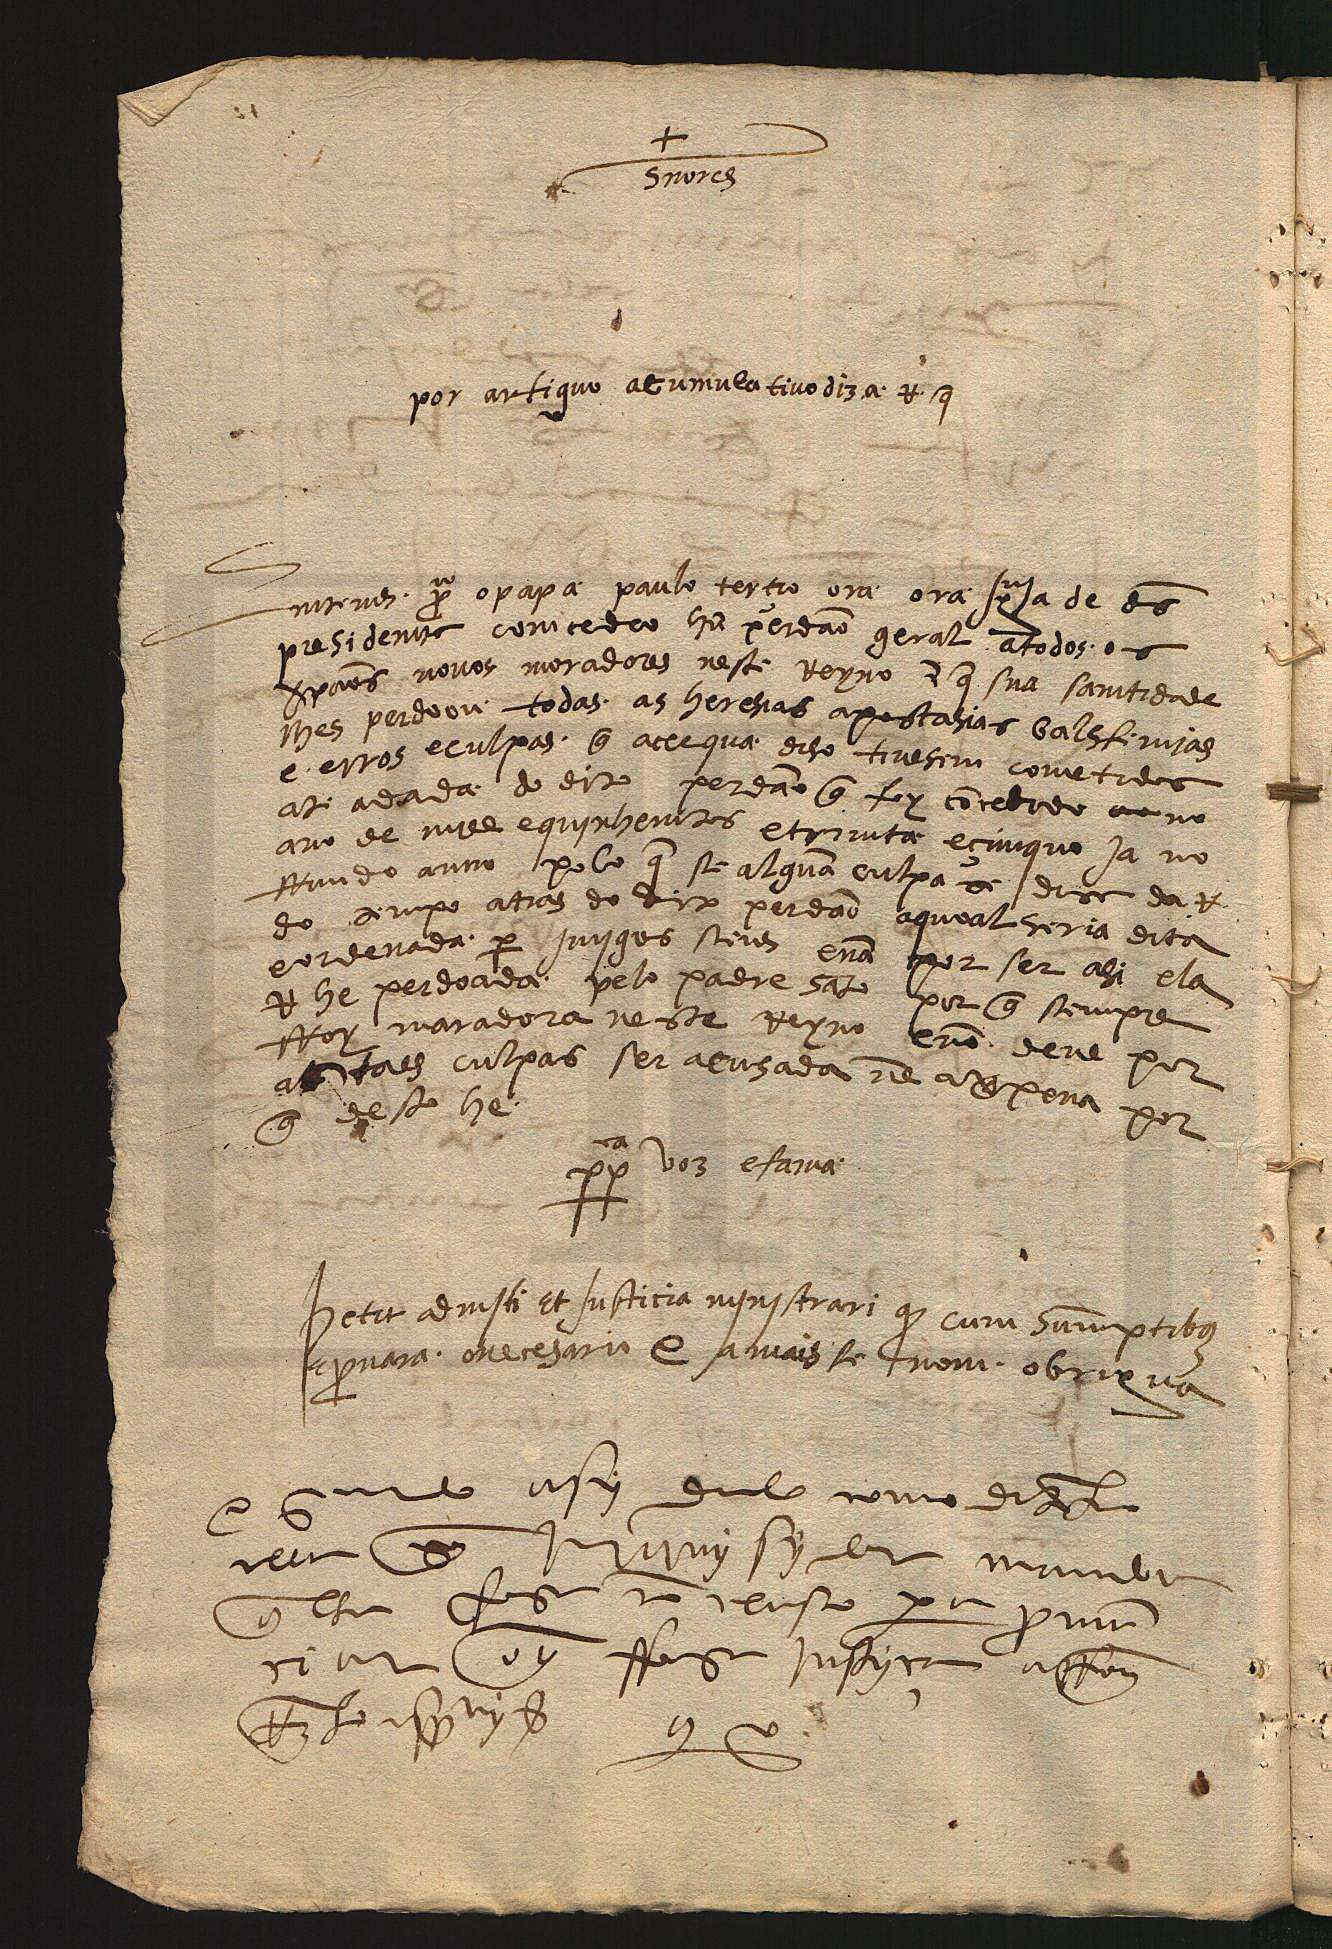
Snores
por artiguo acumulatiuo diz a R. q̄
Emtendi . ꝓ̄ o papa paulo tertio ora ora JḡJa de ds̄
presidemte comcedeo hū perdão geraL a todos os
Xpaõs nouos moradores neste Reyno ē q̄ sua samtidade
lhes perdoou todas. as heresias apostasias balsfemjas
e erros e culpas. q̄ acerqua diso tiuesem cometidos
ate a dada do dito perdão q̄ foy cōcedido ao no
ano de mill e qujnhemtos e trimta e çimquo Ja no
ffim do anno polo q̄ se algūa culpa se dise da R
do tempo atras do dito perdão a quoaL seria dita
e ordenada ꝑ Jmjgos seus e nā por ser asi ela
R he perdoada pelo padre sāto porq̄ sempre
ffoy maradora neste Reyno e nō deue por
as taes culpas ser acusada n̄e aꝟ pena por
q̄ desto he.
ꝑꝑca voz e fama
Petit admjti Et Justicia mjnjstrari ꝙ cum sūmptibꝯ
E ꝓuara . o necesario e a mais se nom . obrigua
e sendo asy dado como dito he
elle s̄or Jmquysydor mandou
q̄ lhe fose c̄ocluso ꝑa ꝓnū
ciar o q̄ ffose Justyça af̄fom
R̄z ho esp̄vy
ꝯo
